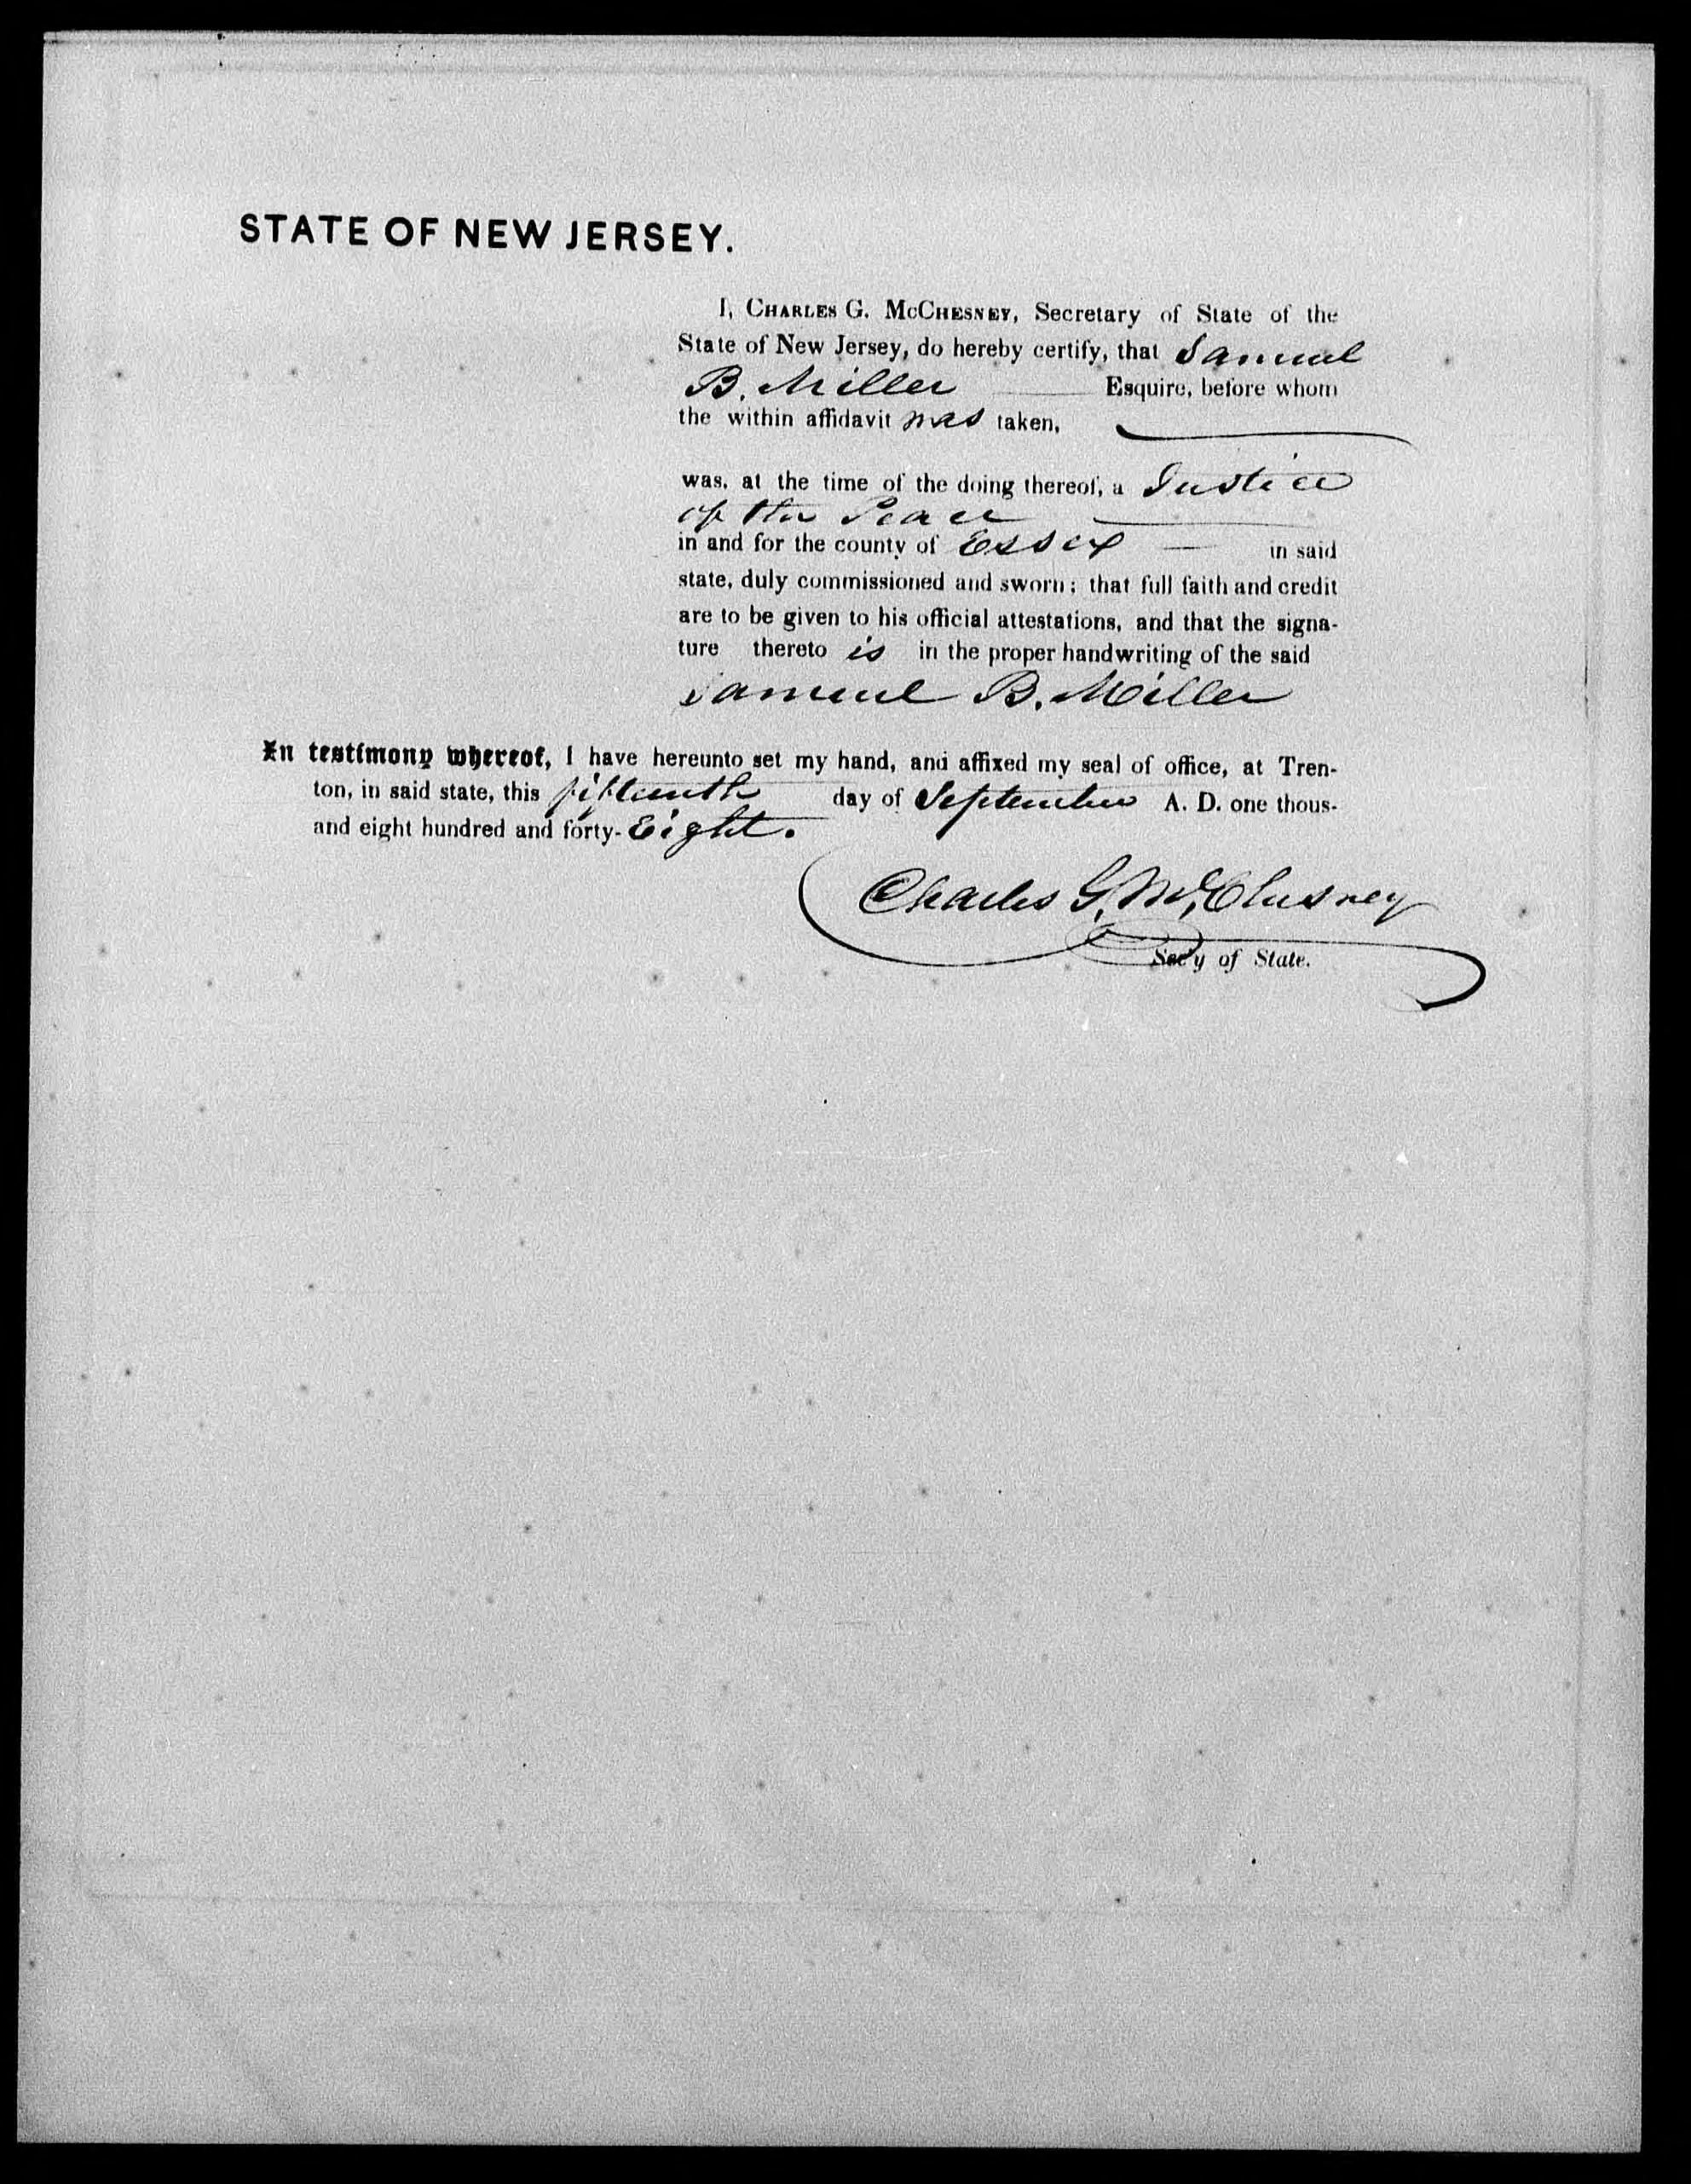STATE OF NEW JERSEY.
I CHARLES G. McCHESNEY, Secretary of State of the State of New Jersey, do hereby certify, that Samuel B. Miller Esquire, before whom
the within affidavit was taken.
was at the time of the doing thereof, a Justice
of the Peace in and for the county of Essex
in said state, duly commissioned and sworn; that full faith and credit are to be given to his official attestations, and that the signature
thereto is in the proper handwriting of the said
Samuel B. Miller
In testimony whereof, I have hereunto set my hand and affixed my seal of office, at Trenton, in said state, this fifteenth day of September A.D. one thousand eight hundred and forty-eight.
Charles G. Mc Chesney
Sec'y of State.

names: Samuel B Miller; Charles G Mc Chesney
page: 49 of 49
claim: widow's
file: W. 859, for James Lambert, New Jersey